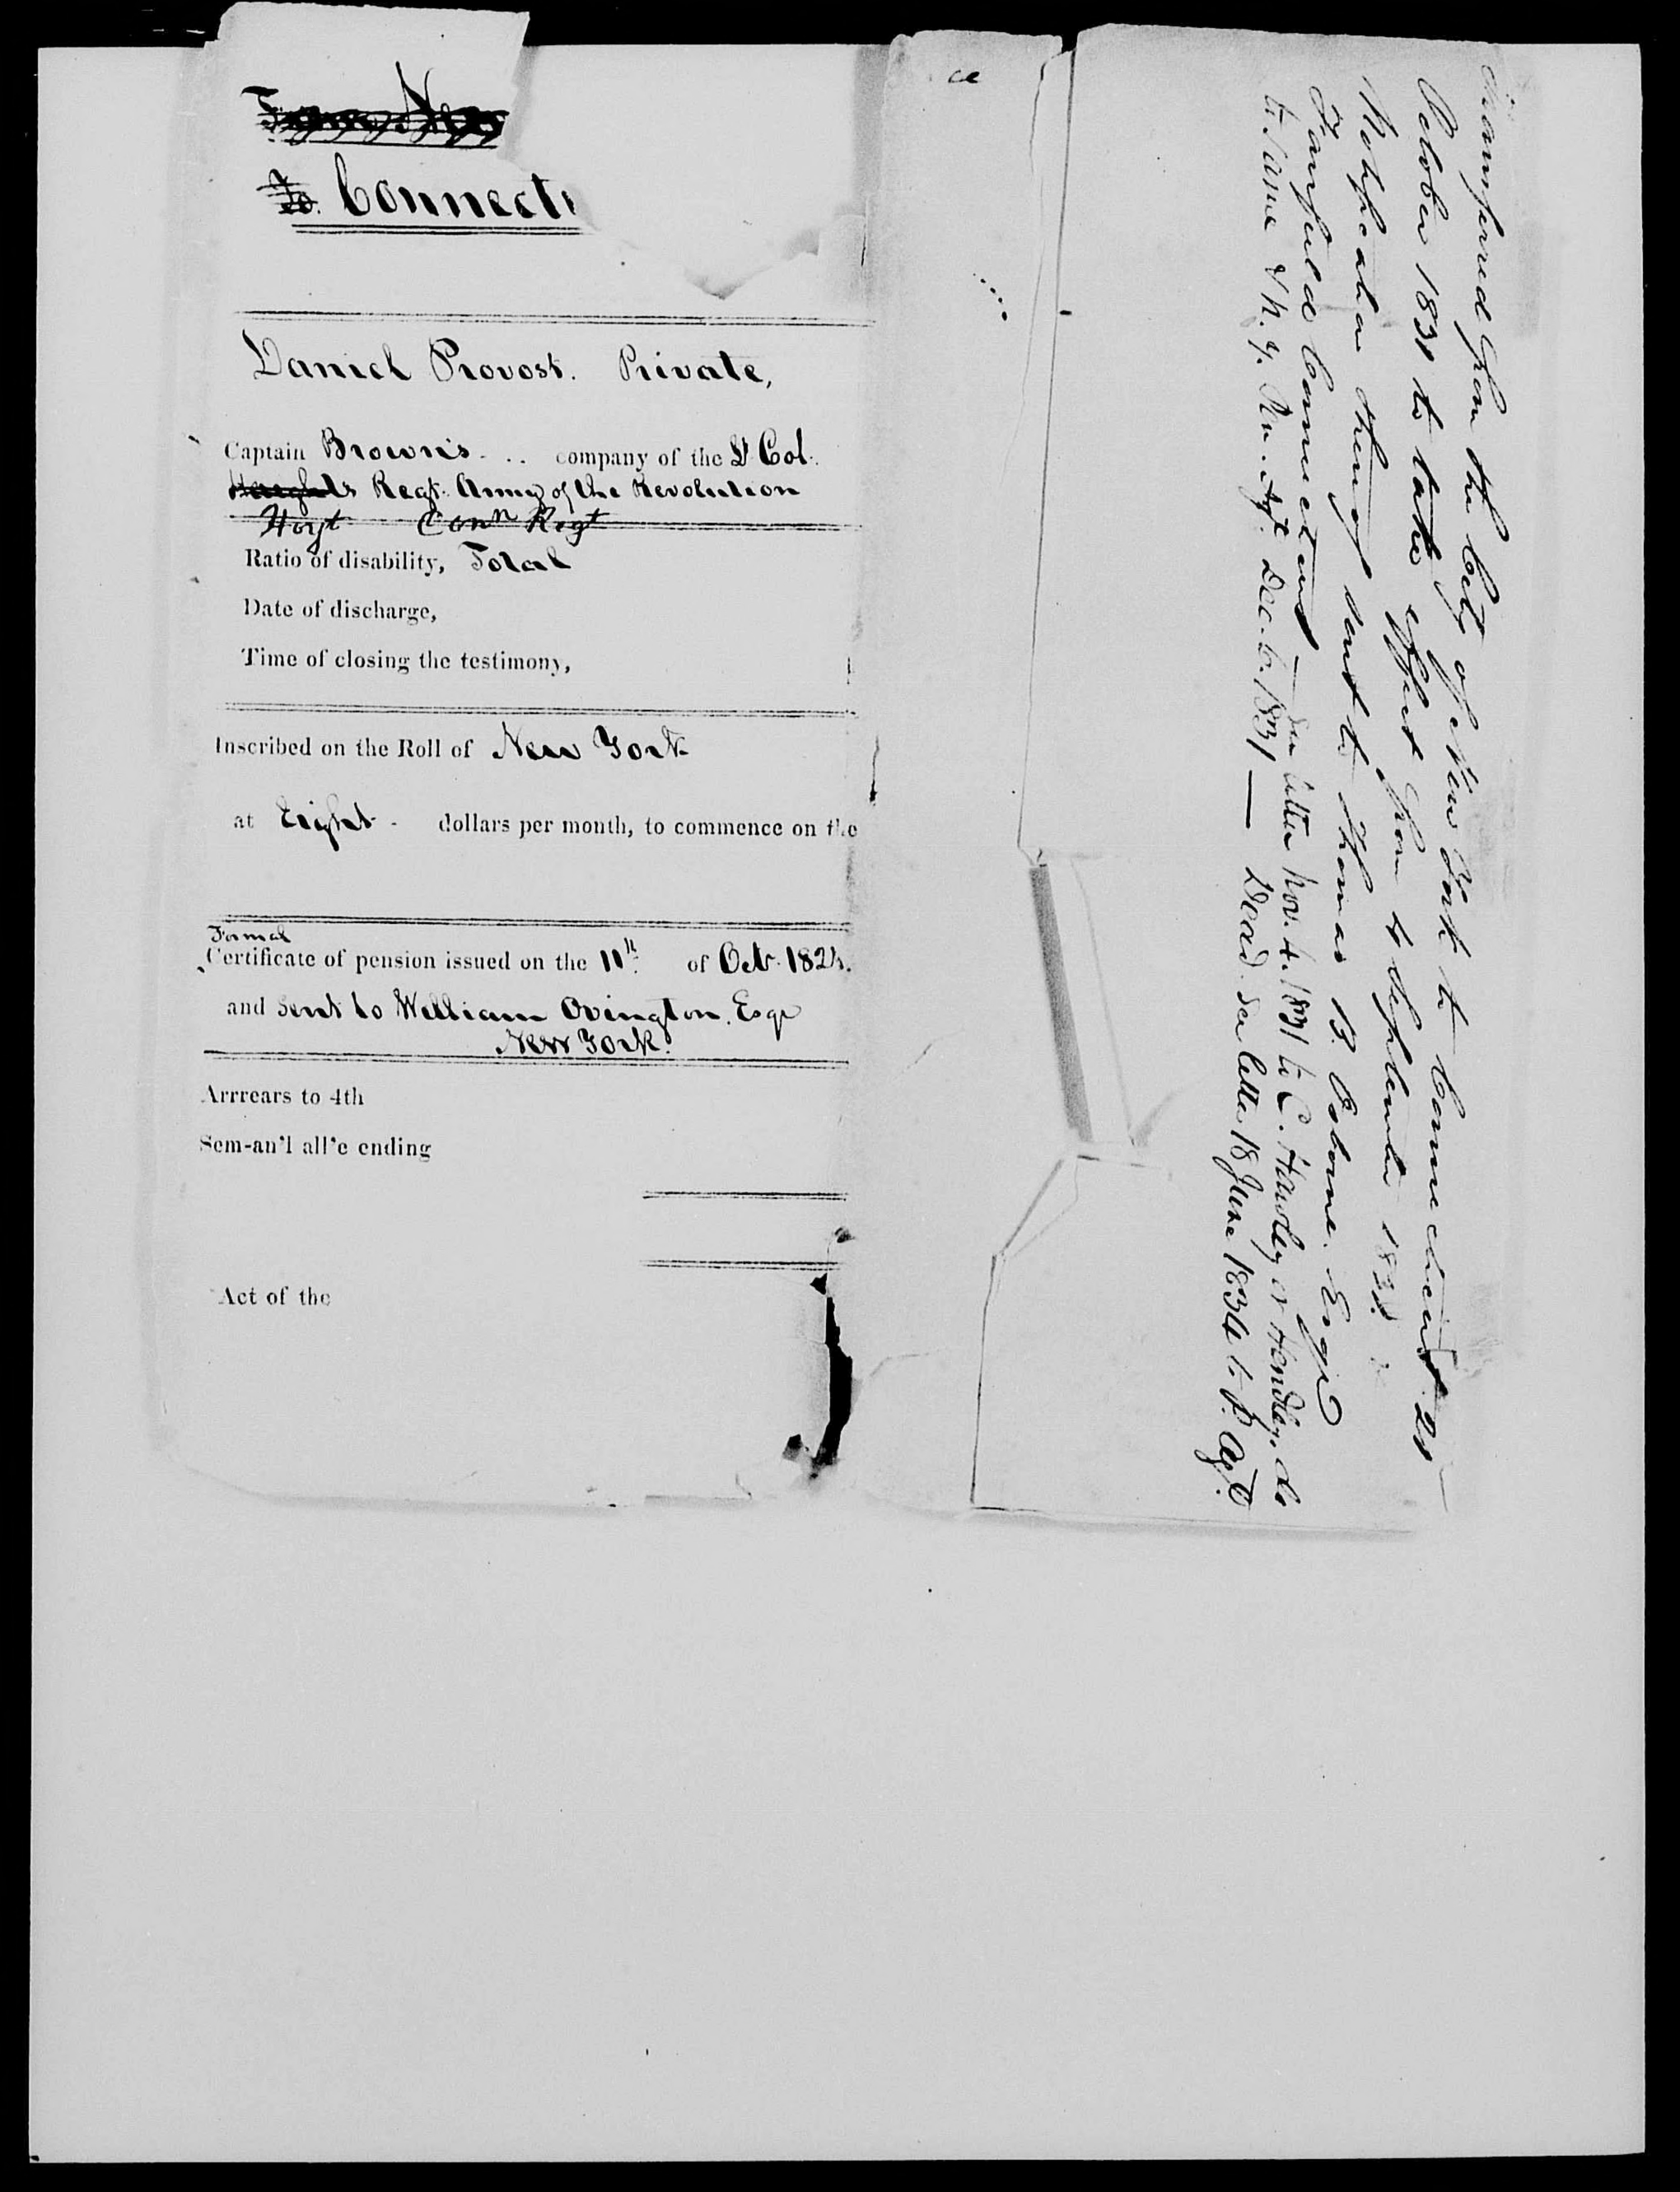Connect
Daniel Provost, Private
Captain Brown's company of the Lt. Col.
Hoyt Regt. Army of the Revolution
Conn Regt
Ratio of disability, Total
Date of discharge,
Time of closing the testimony,
Inscribed on the Roll of New York
at Eight dollars per month, to commence on the
Formal Certificate of Pension issued on the 11th of Feb. 1824,
and sent to William Ovington Esqr
New York
Arrrears to 4th
Semi-an'l all'ce ending
Act of the
Transferred from the City of New York to  Connecticut 21
October 1831 to take effect from 4 September 1831
Notification thereof sent to Thomas B. Osborne Esq
Fairfield Connecticut - sent letter Nov 4 1831 to C Hawley or Hendley
to same N. Y. Agent Dec 6 1831- Dead ser letter 18 June 1834 to P Agt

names: Daniel Provost; William Ovington; C Hawley; Thomas B Osborne; C Hendley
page: 2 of 24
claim: survivor's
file: S. 20,926, for Daniel Provost, Connecticut